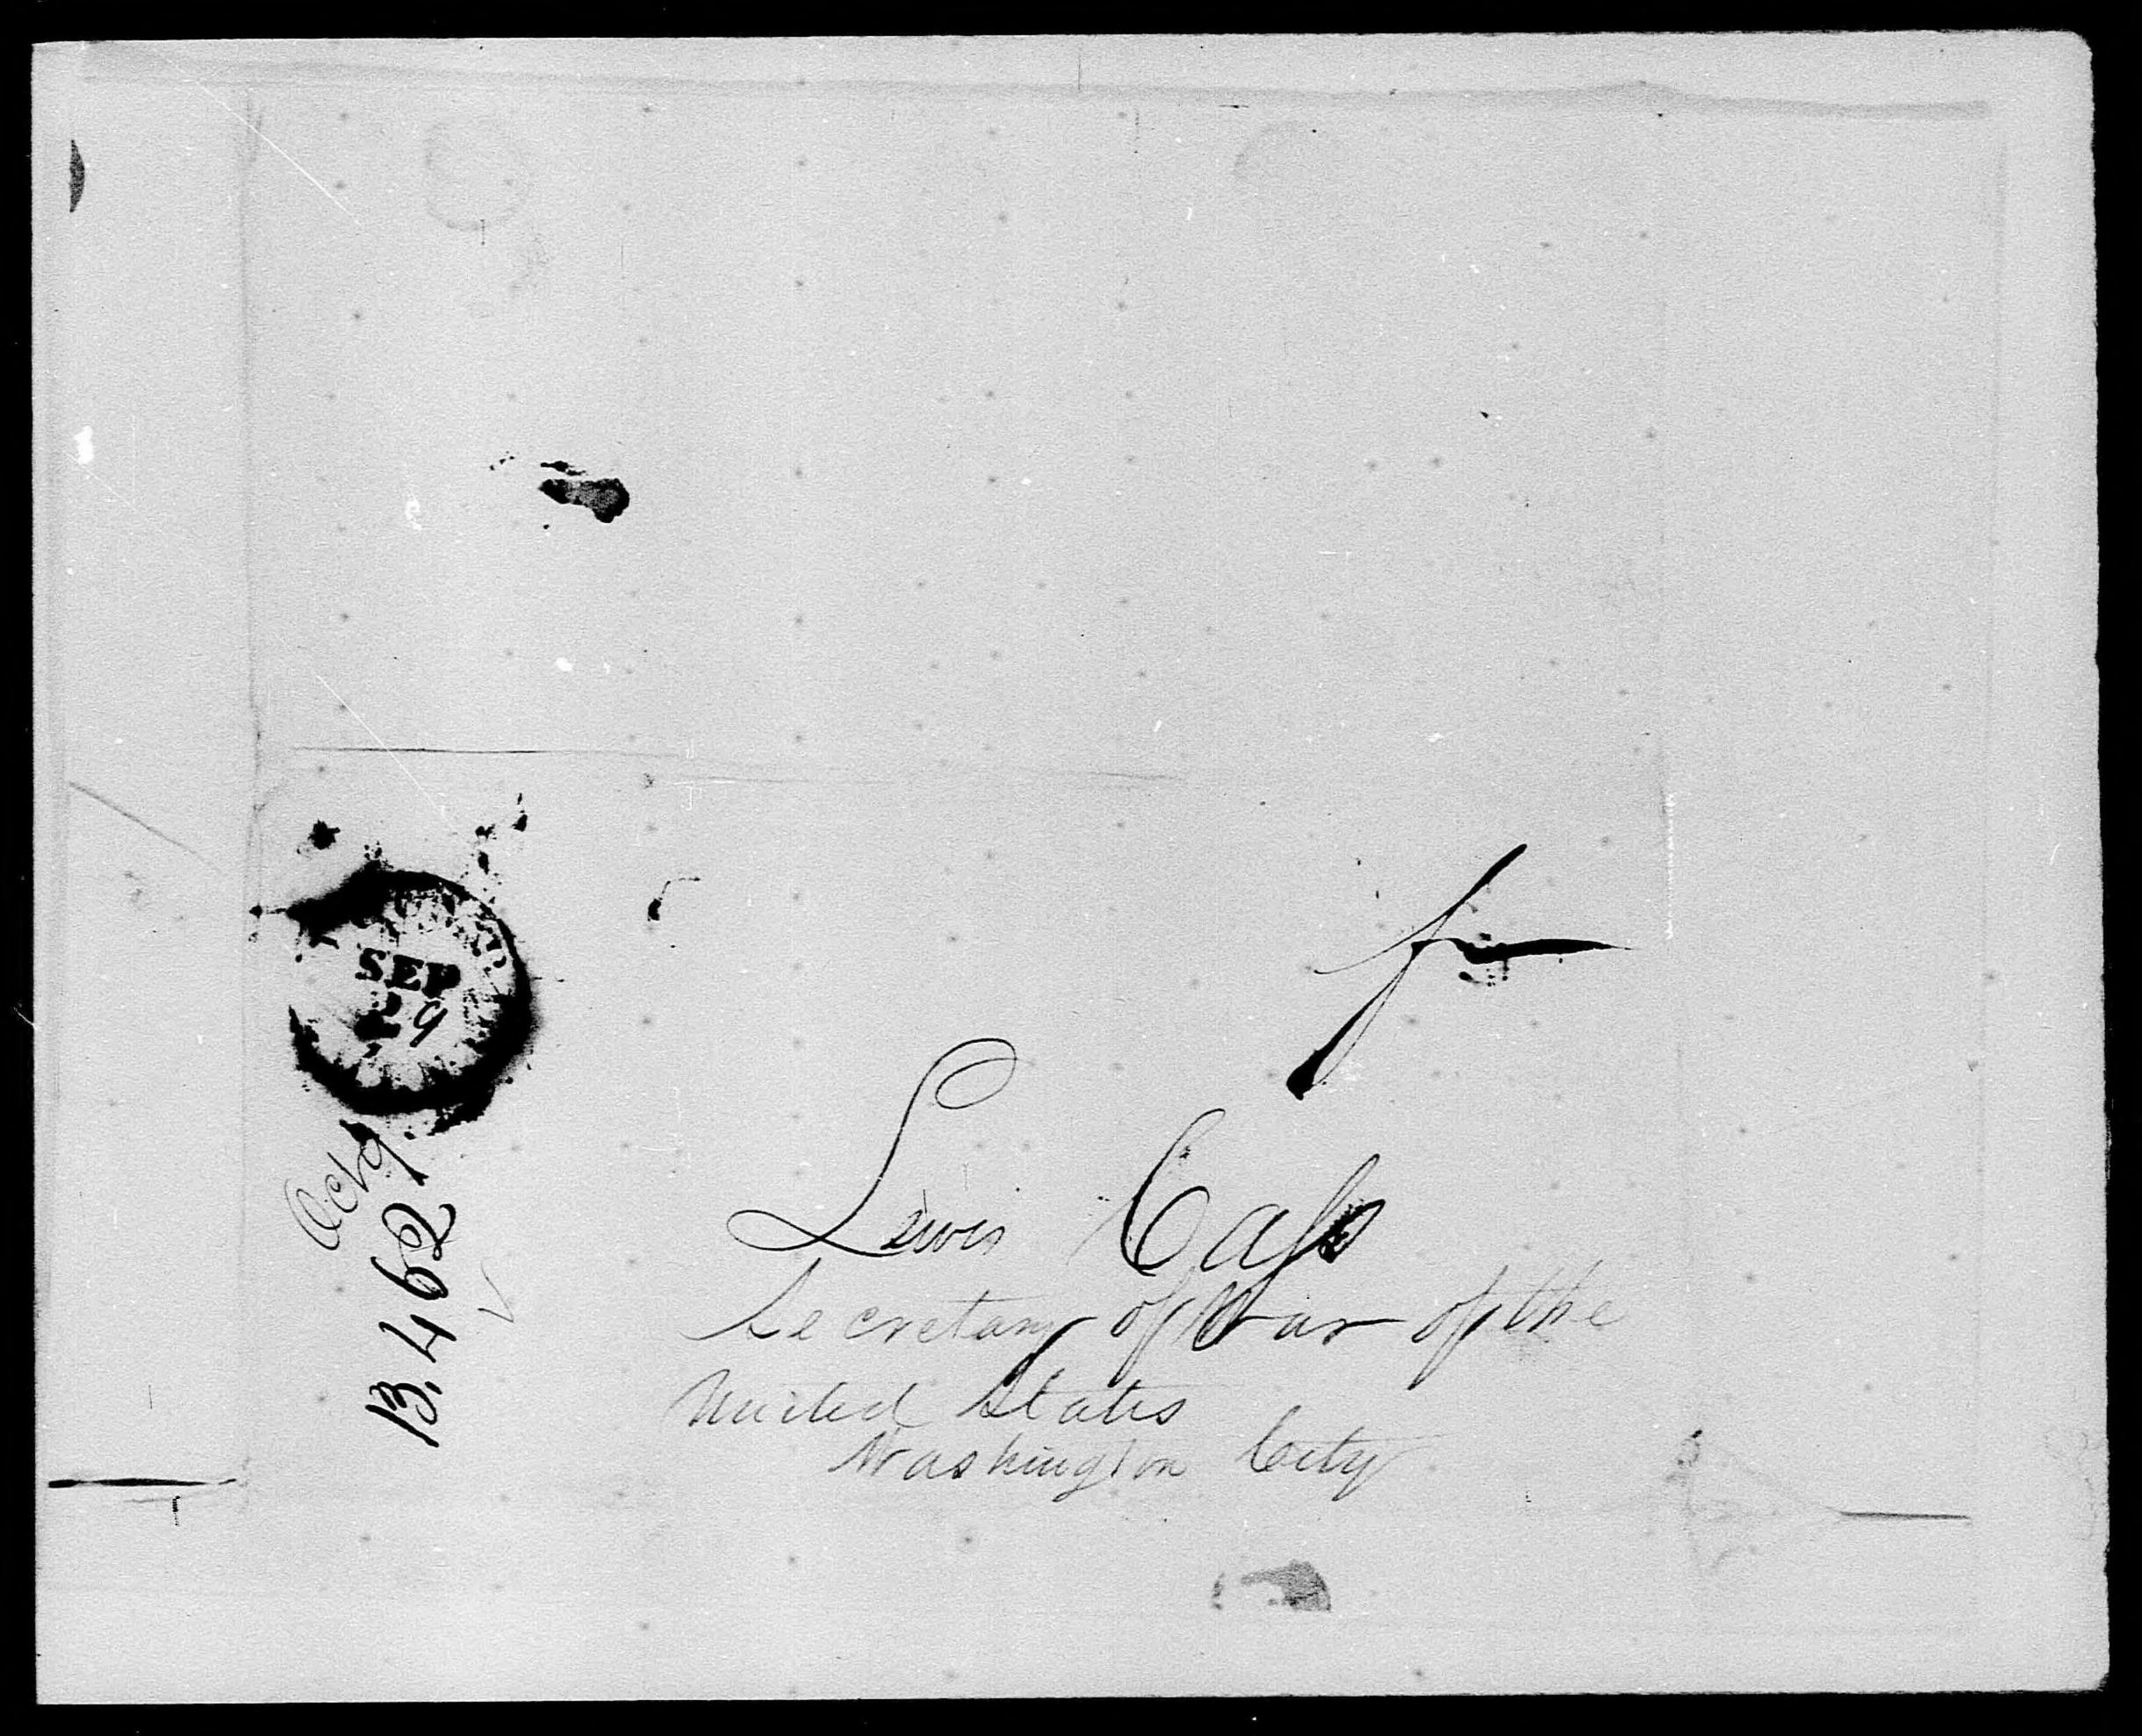(stamp)
SEP 29

Free

Oct 9
13,462

Lewis Cass
Secretary of War of the 
United States
Washington City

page: 19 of 27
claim: rejected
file: R. 5649, for Abner Johnson, North Carolina